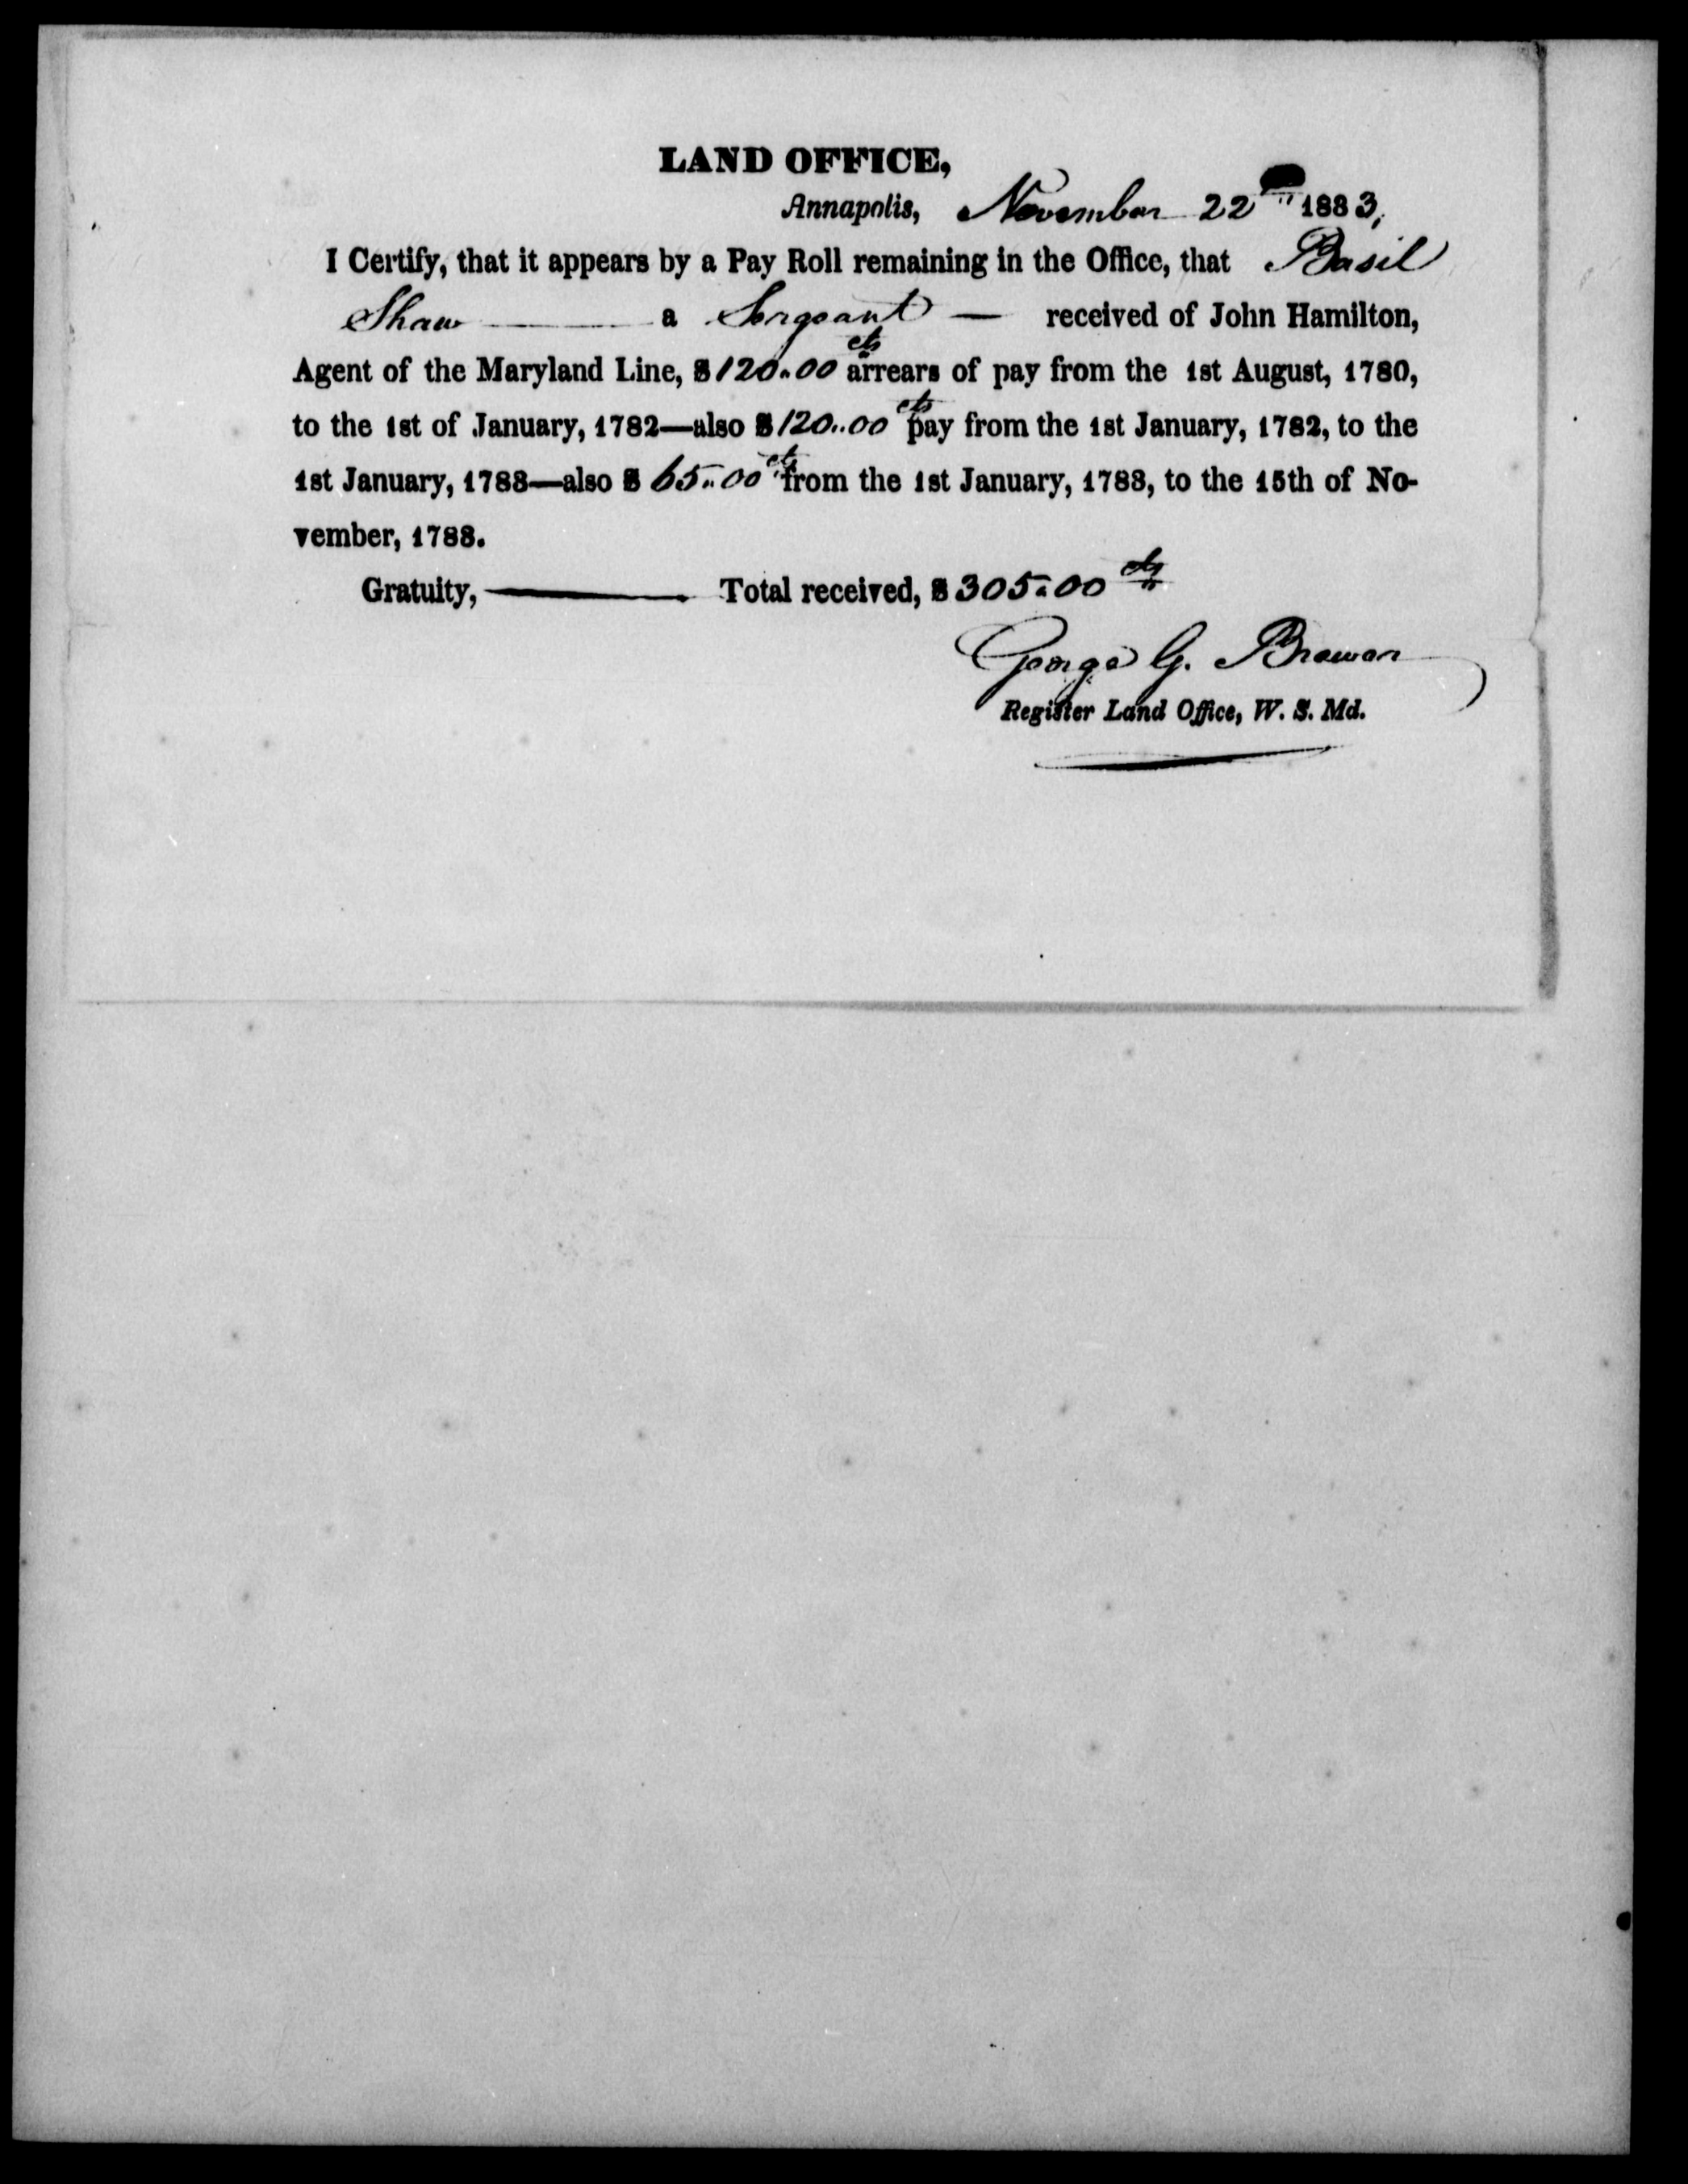LAND OFFICE,
Annapolis, November 22nd 1883,
I Certify, that it appears by a Pay Roll remaining in the Office, that Basil
Shaw a Sergeant received of John Hamilton,
Agent of the Maryland Line, $120.00 cts. arrears of pay from the 1st August, 1780,
to the 1st of January, 1782 - also $120.00 cts. pay from the 1st January, 1782, to the
1st January, 1783 - also $65.00 cts. from the 1st January, 1783, to the 15th of
November, 1783.
Gratuity, _ Total received $305.00 cts.
George G. Brewer
Register Land Office, W.S. Md.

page: 13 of 32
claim: survivor's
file: S. 16,526, for Basil Shaw, Maryland